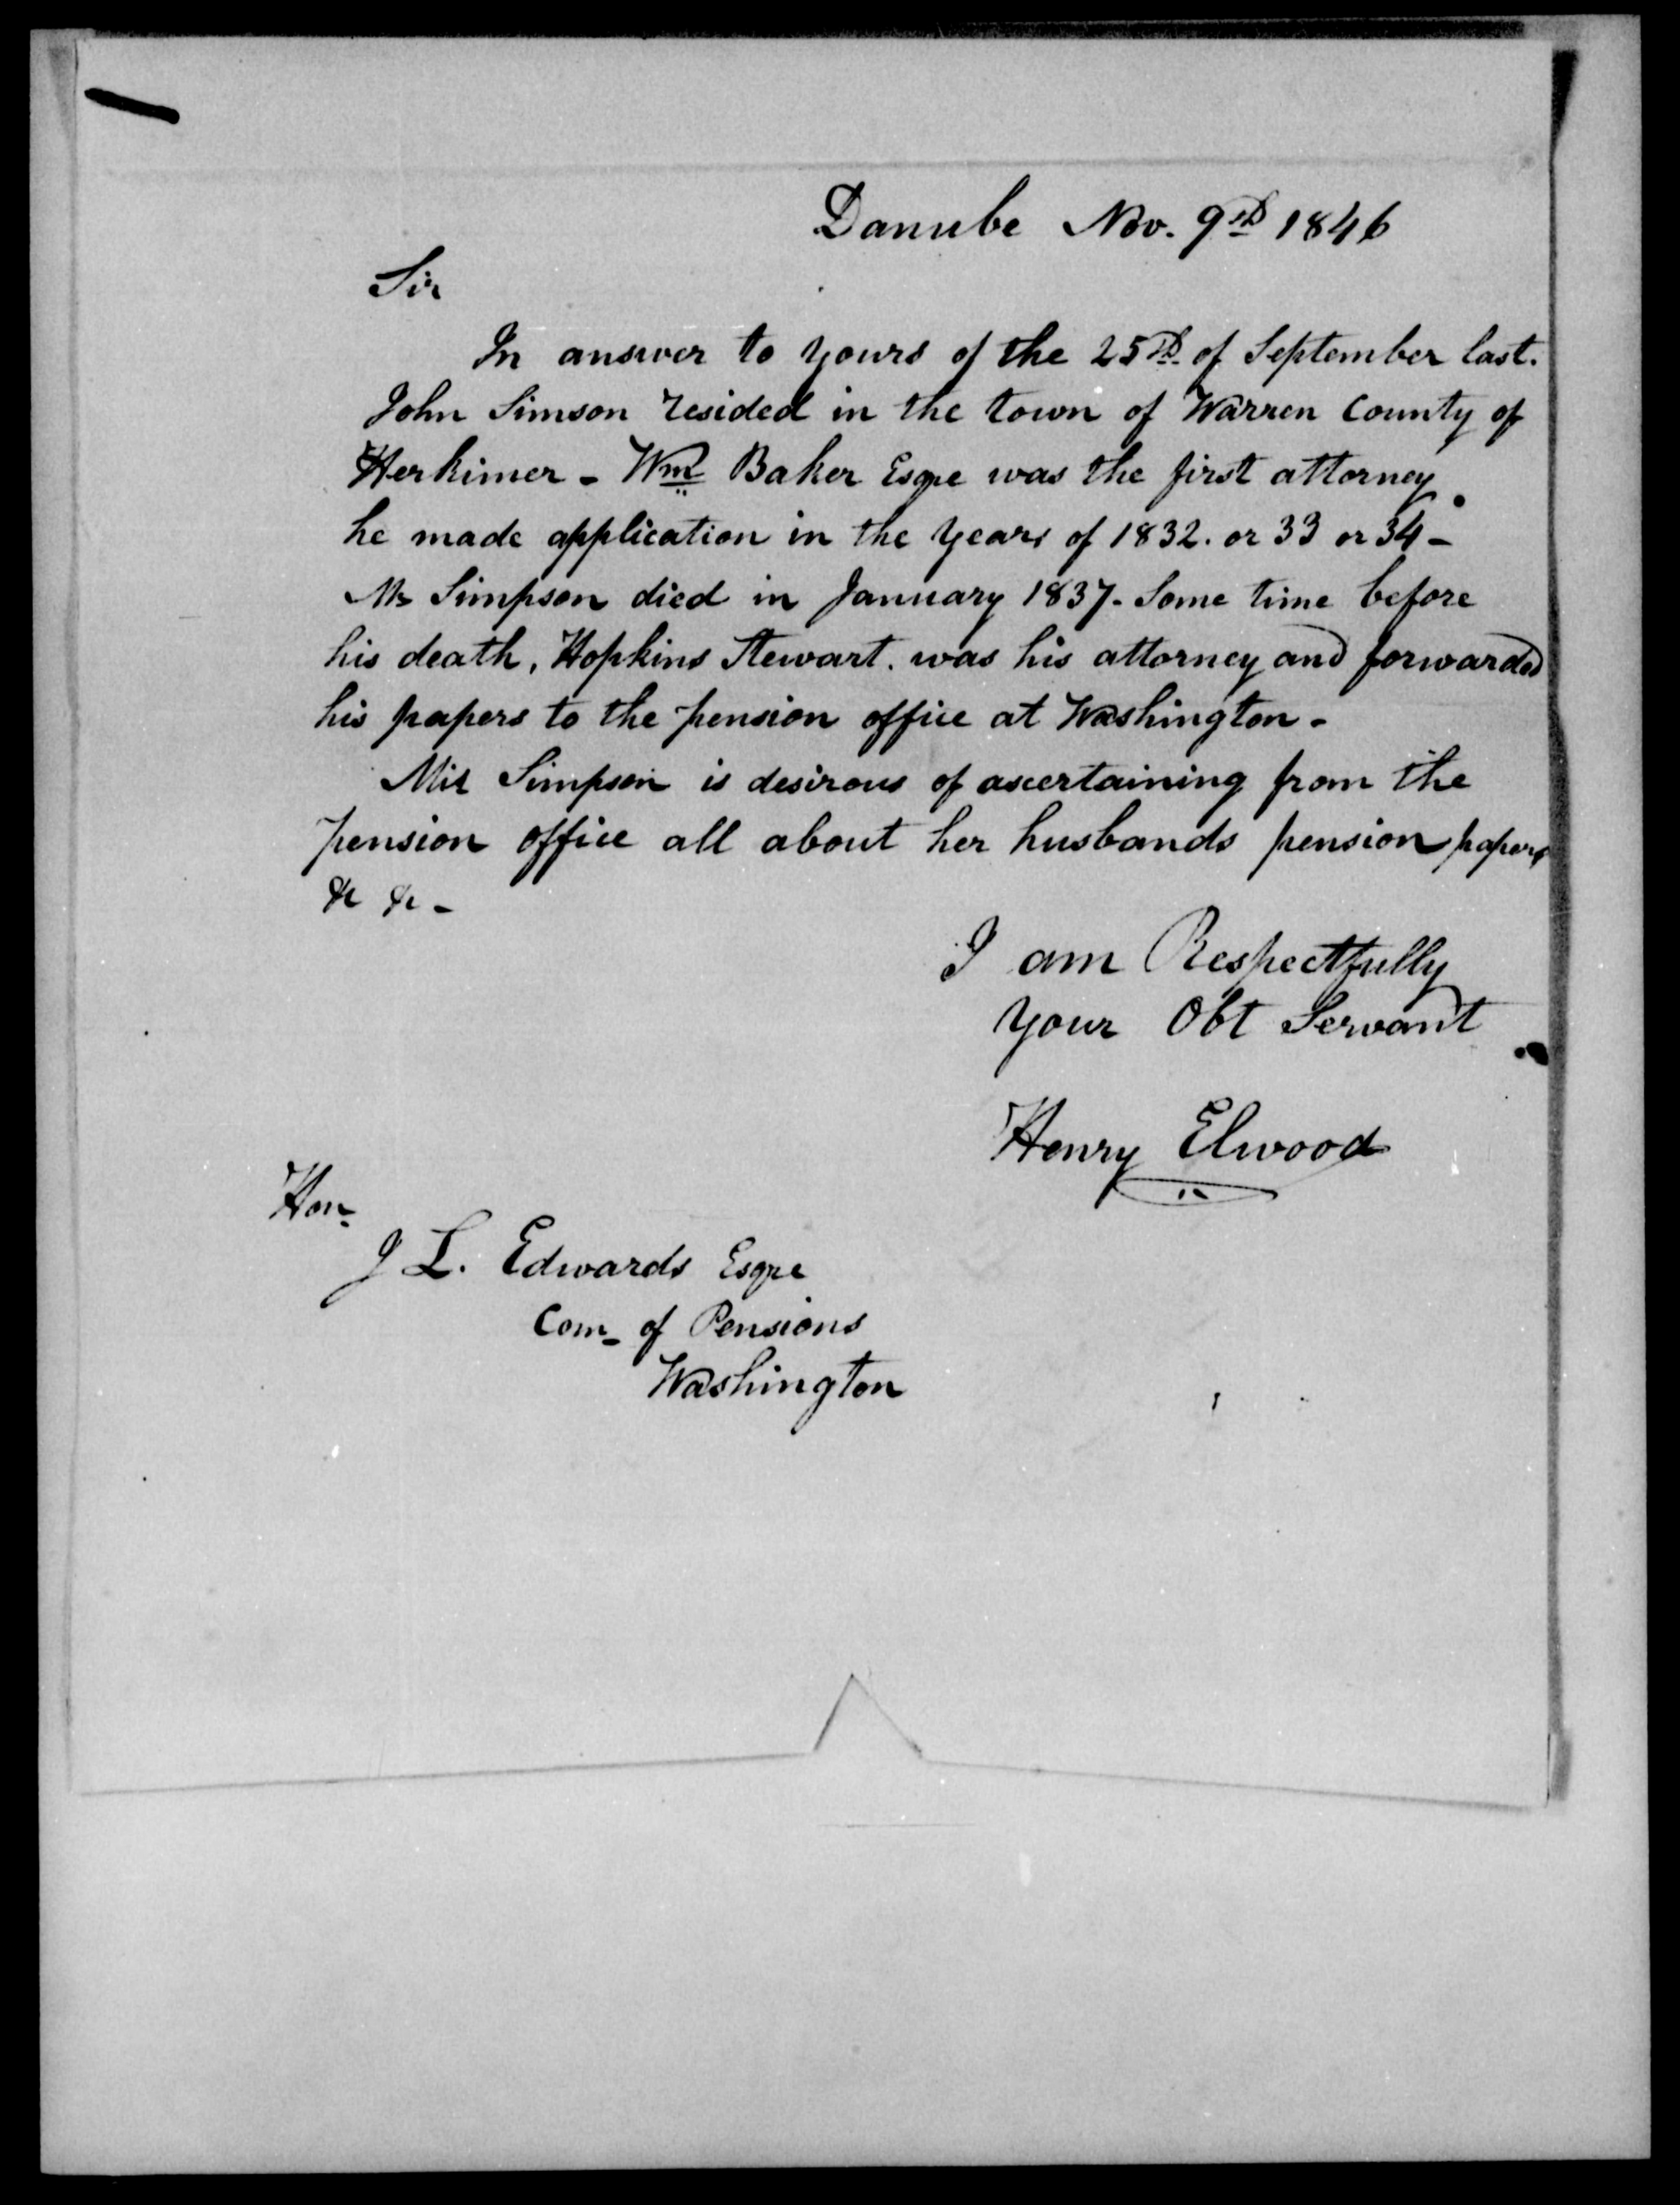Sir
Danube Nov. 9th 1846
Sir
In answer to yours of the 25th of September last. John Simson resided in the town of Warren County of Herkimer.  Wm Baker Esq was the first attorney he made application in the years of 1832 or 33 or 34-
Mr Simpson died in January 1837. Some time before his death, Hopkins Stewart was his attorney and forwarded his papers to the pension office at Washington
Mis Simpson is desirous of ascertaining from the pension office all about her husbands pension papers
(illegible).
I am Respectfully
Your Obt Servant
Henry Elwood

Hon
J L. Edwards Esq
Com of Pensions
Washington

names: [BLANK] Simpson; John Simson; Henry Elwood; Wm Baker; Hopkins Stewart; J L Edwards; [BLANK] Simpson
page: 22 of 35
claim: rejected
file: R. 9601, for John Simson, New Jersey